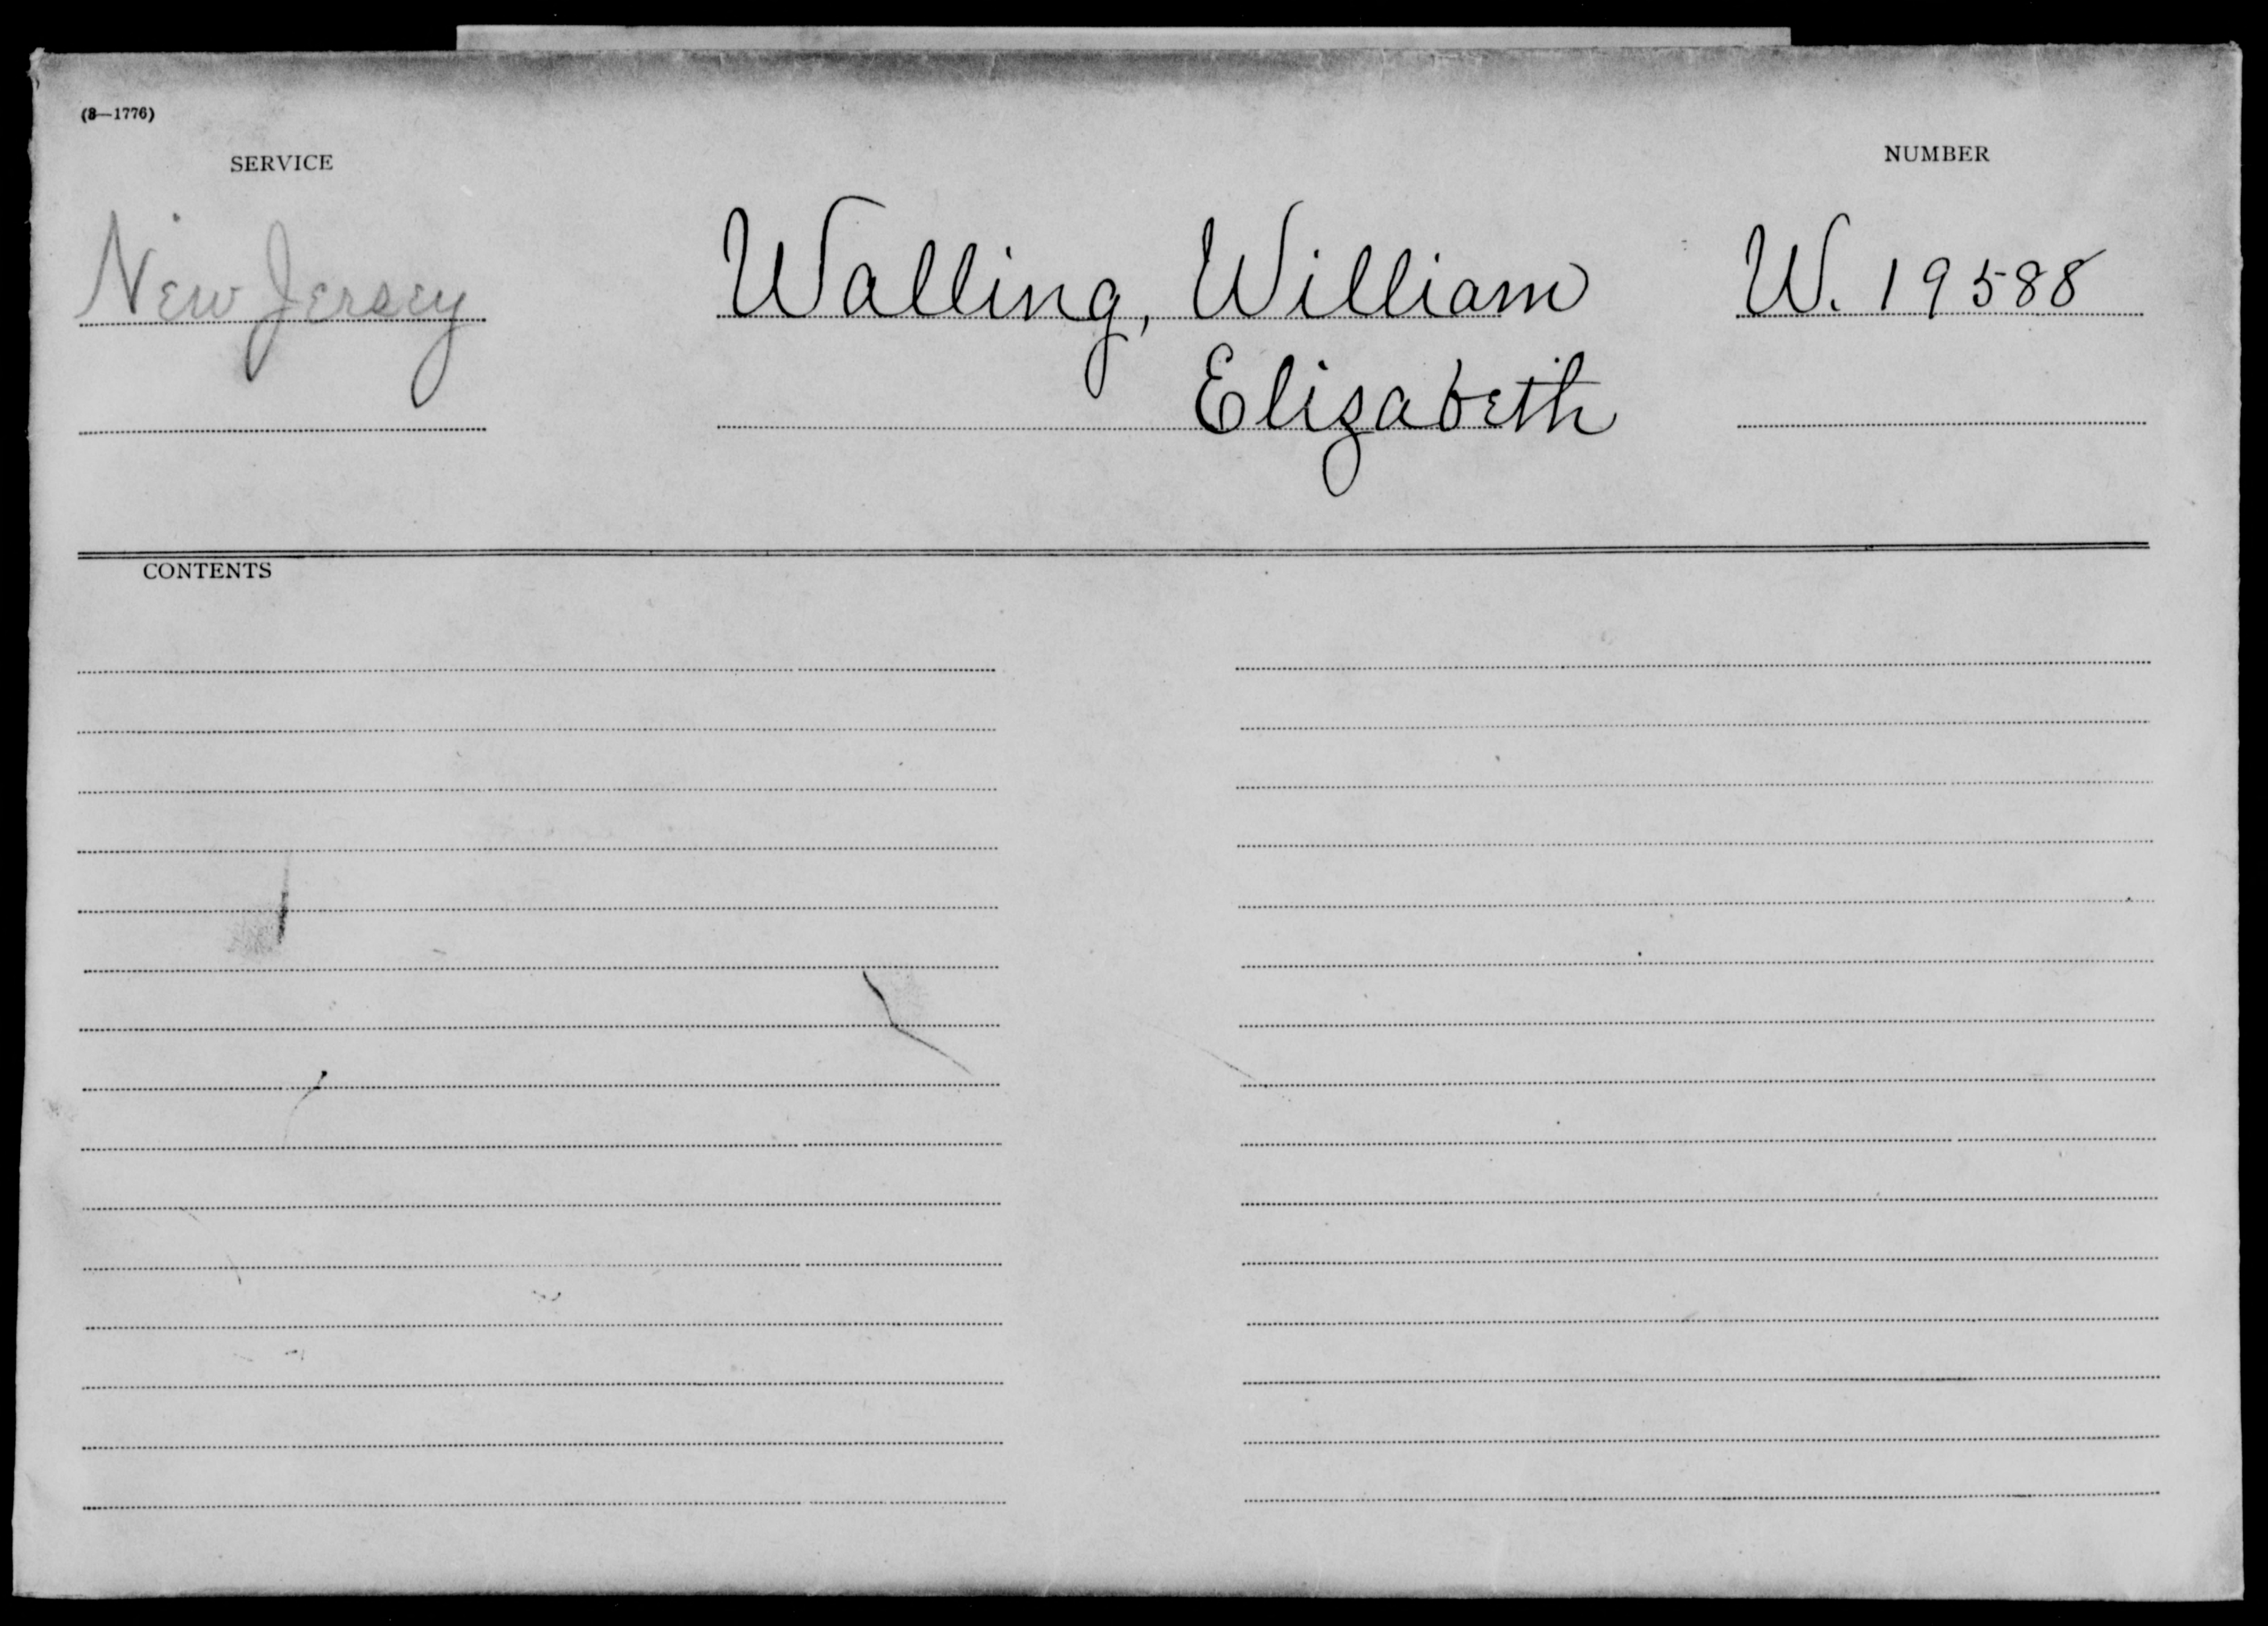(S-1776)
SERVICE
New Jersey
Walling, William Elizabeth
NUMBER W. 19588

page: 1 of 66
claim: widow's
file: W. 19588, William Walling, New Jersey